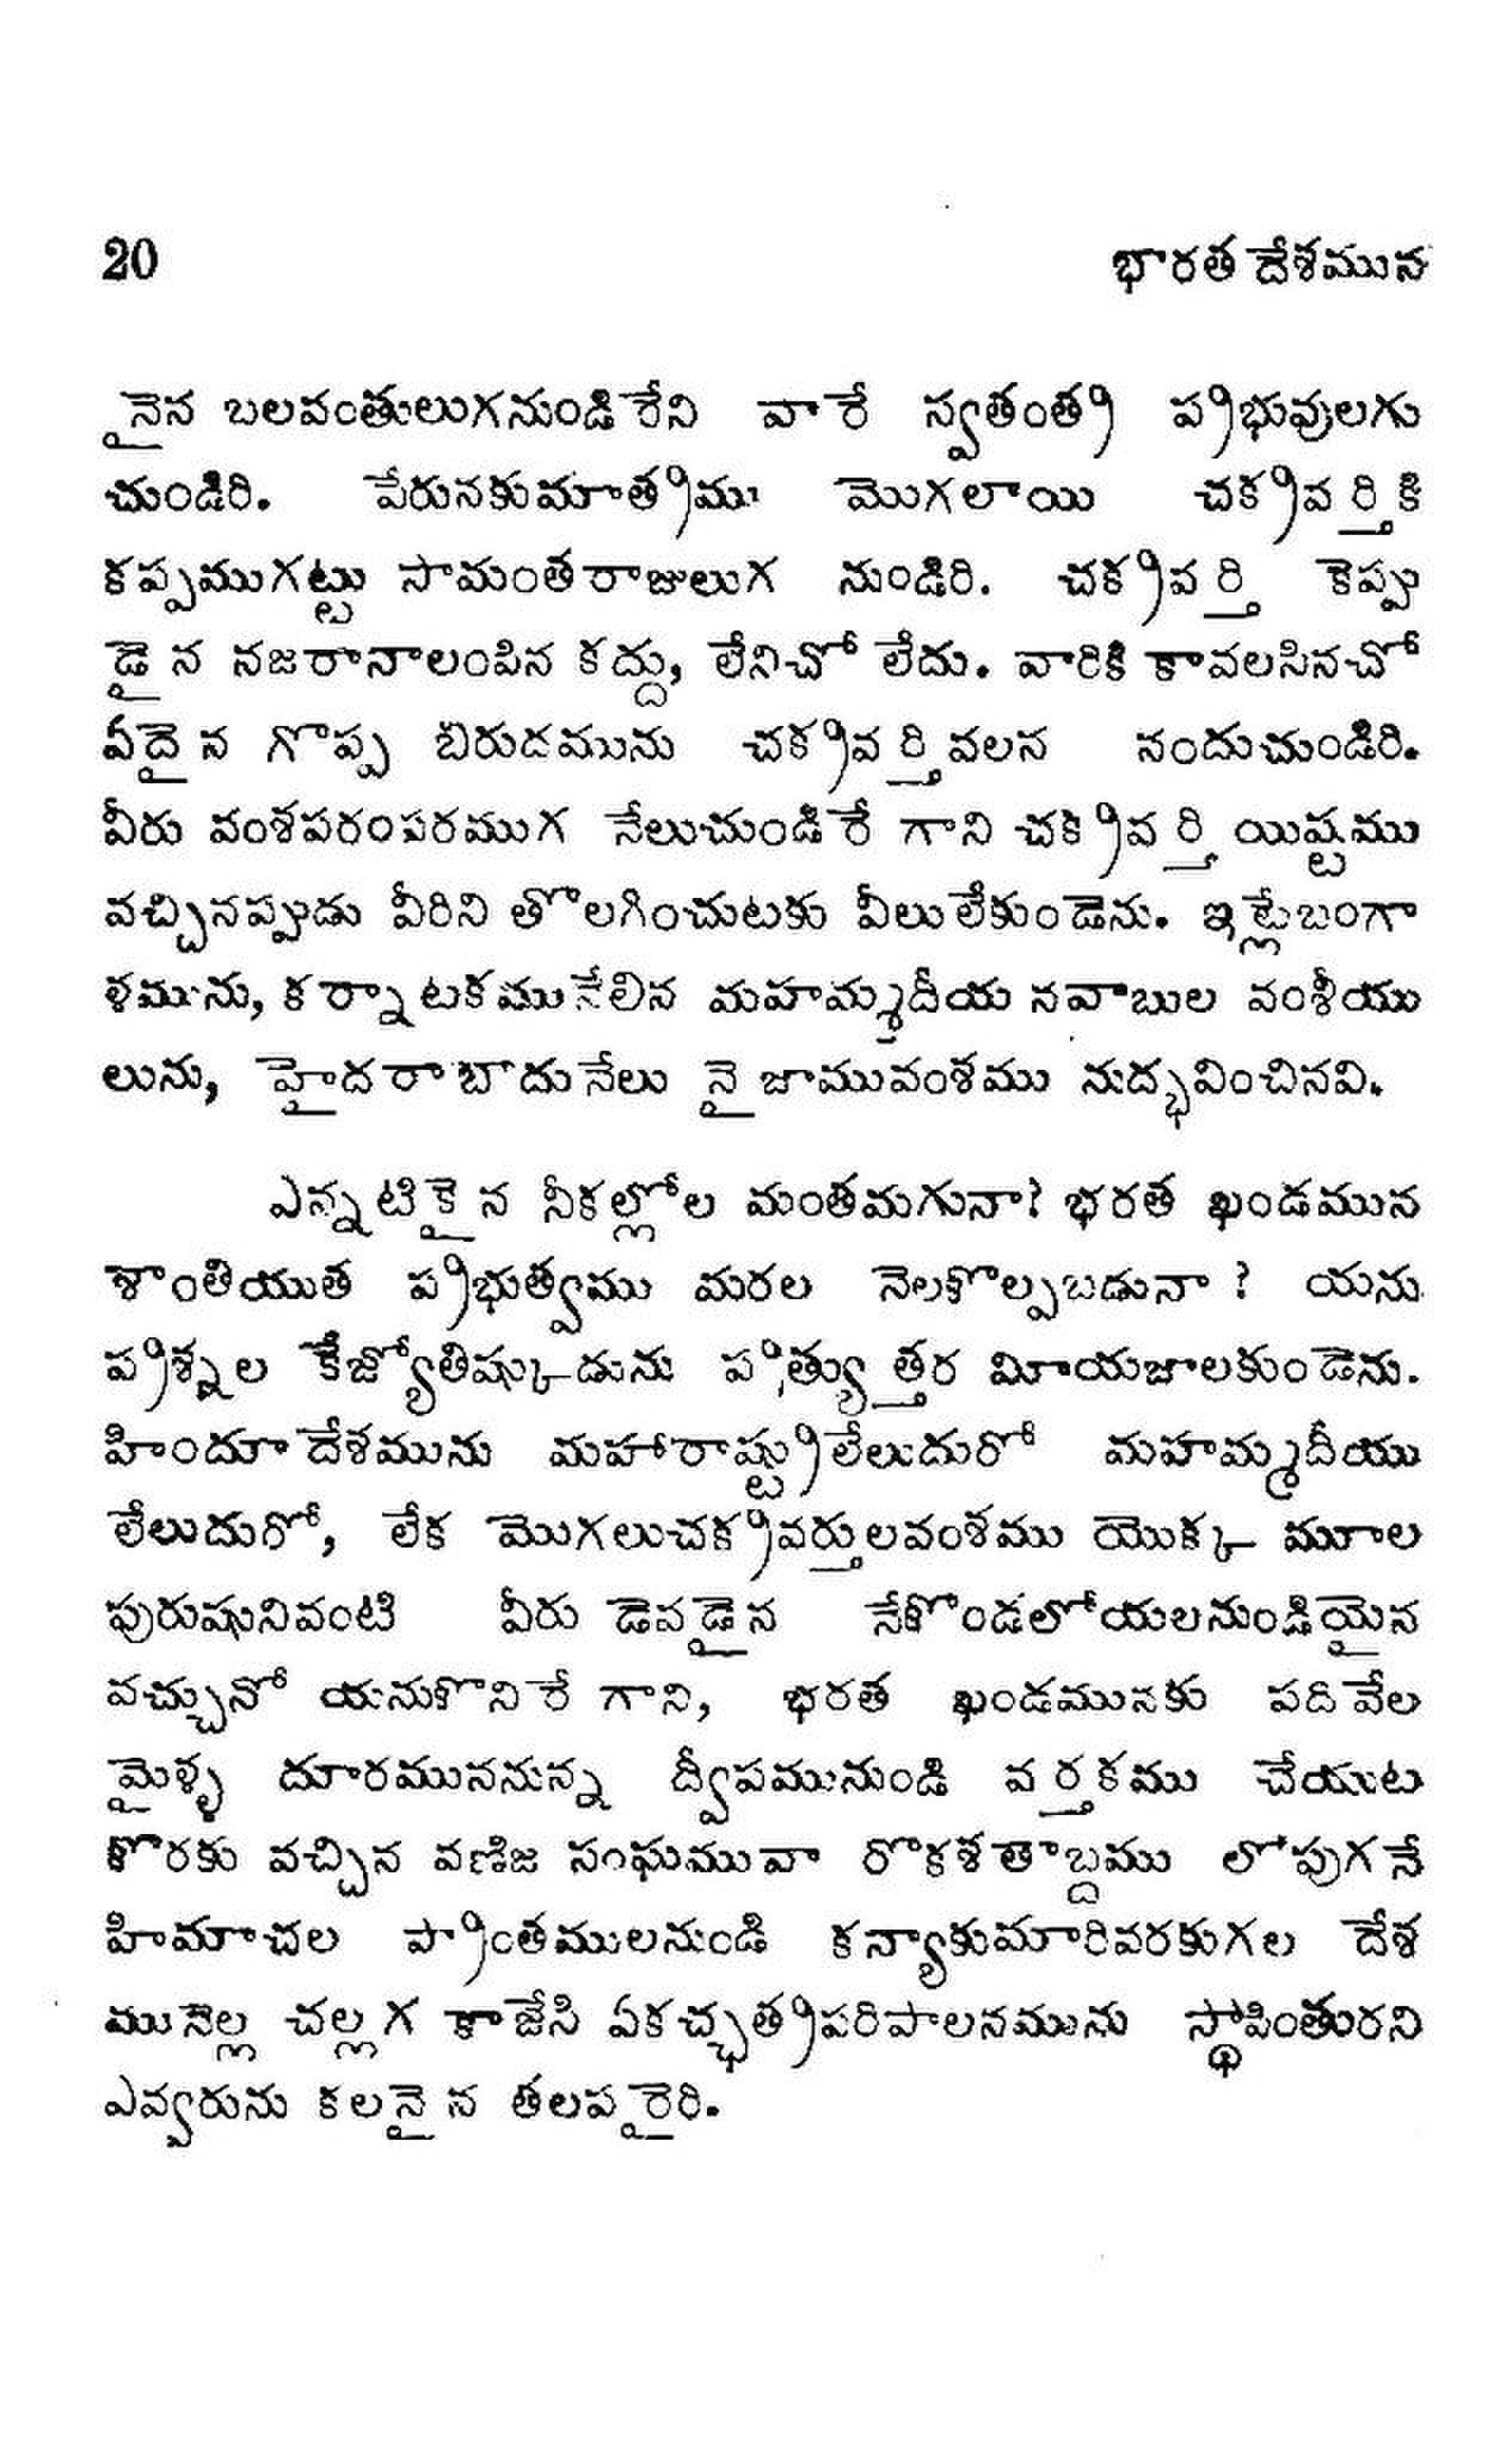నైన బలవంతులుగనుండిరేని వారే స్వతంత్ర ప్రభువులగు చుండిరి. పేరునకుమాత్రము మొగలాయి చక్రవర్తికి కప్పముగట్టు సామంతరాజులుగ నుండిరి. చక్రవర్తి కెప్పుడై న నజరానాలంపిన కద్దు, లేనిచో లేదు. వారికి కావలసినచో ఏదైన గొప్ప బిరుదమును చక్రవర్తివలన నందుచుండిరి. వీరు వంశపరంపరముగ నేలుచుండిరే గాని చక్రవర్తి యిష్టము వచ్చినప్పుడు వీరిని తొలగించుటకు వీలు లేకుండెను. ఇట్లే బంగాళమును, కర్నాటకము నేలిన మహమ్మదీయ నవాబుల వంశీయులును, హైదరాబాదు నేలు నైజామువంశము నుద్భవించినవి.

ఎన్నటికైన నీకల్లోల మంతమగునా? భరత ఖండమున శాంతియుత ప్రభుత్వము మరల నెలకొల్పబడునా? యను ప్రశ్నల కేజ్యోతిష్కుడును ప్రత్యుత్తర మీయజాలకుండెను. హిందూదేశమును మహారాష్ట్రులేలుదురో మహమ్మదీయు లేలుదురో, లేక "మొగలుచక్రవర్తులవంశము యొక్క మూలపురుషునివంటి వీరు డెవడైన నేకొండలోయలనుండియైన వచ్చునో యనుకొనిరే గాని, భరత ఖండముసకు పది వేలమైళ్ళ దూరముననున్న ద్వీపమునుండి వర్తకము చేయుట కొరకు వచ్చిన వణిజ సంఘము వా రొకశతాబ్దము లోపుగనే హిమాచల ప్రాంతములనుండి కన్యాకుమారివరకుగల దేశమునెల్ల చల్లగ కాజేసి ఏకచ్ఛత పరిపాలనమును స్థాపింతురని ఎవ్వరును కలనైన తలపరైరి.